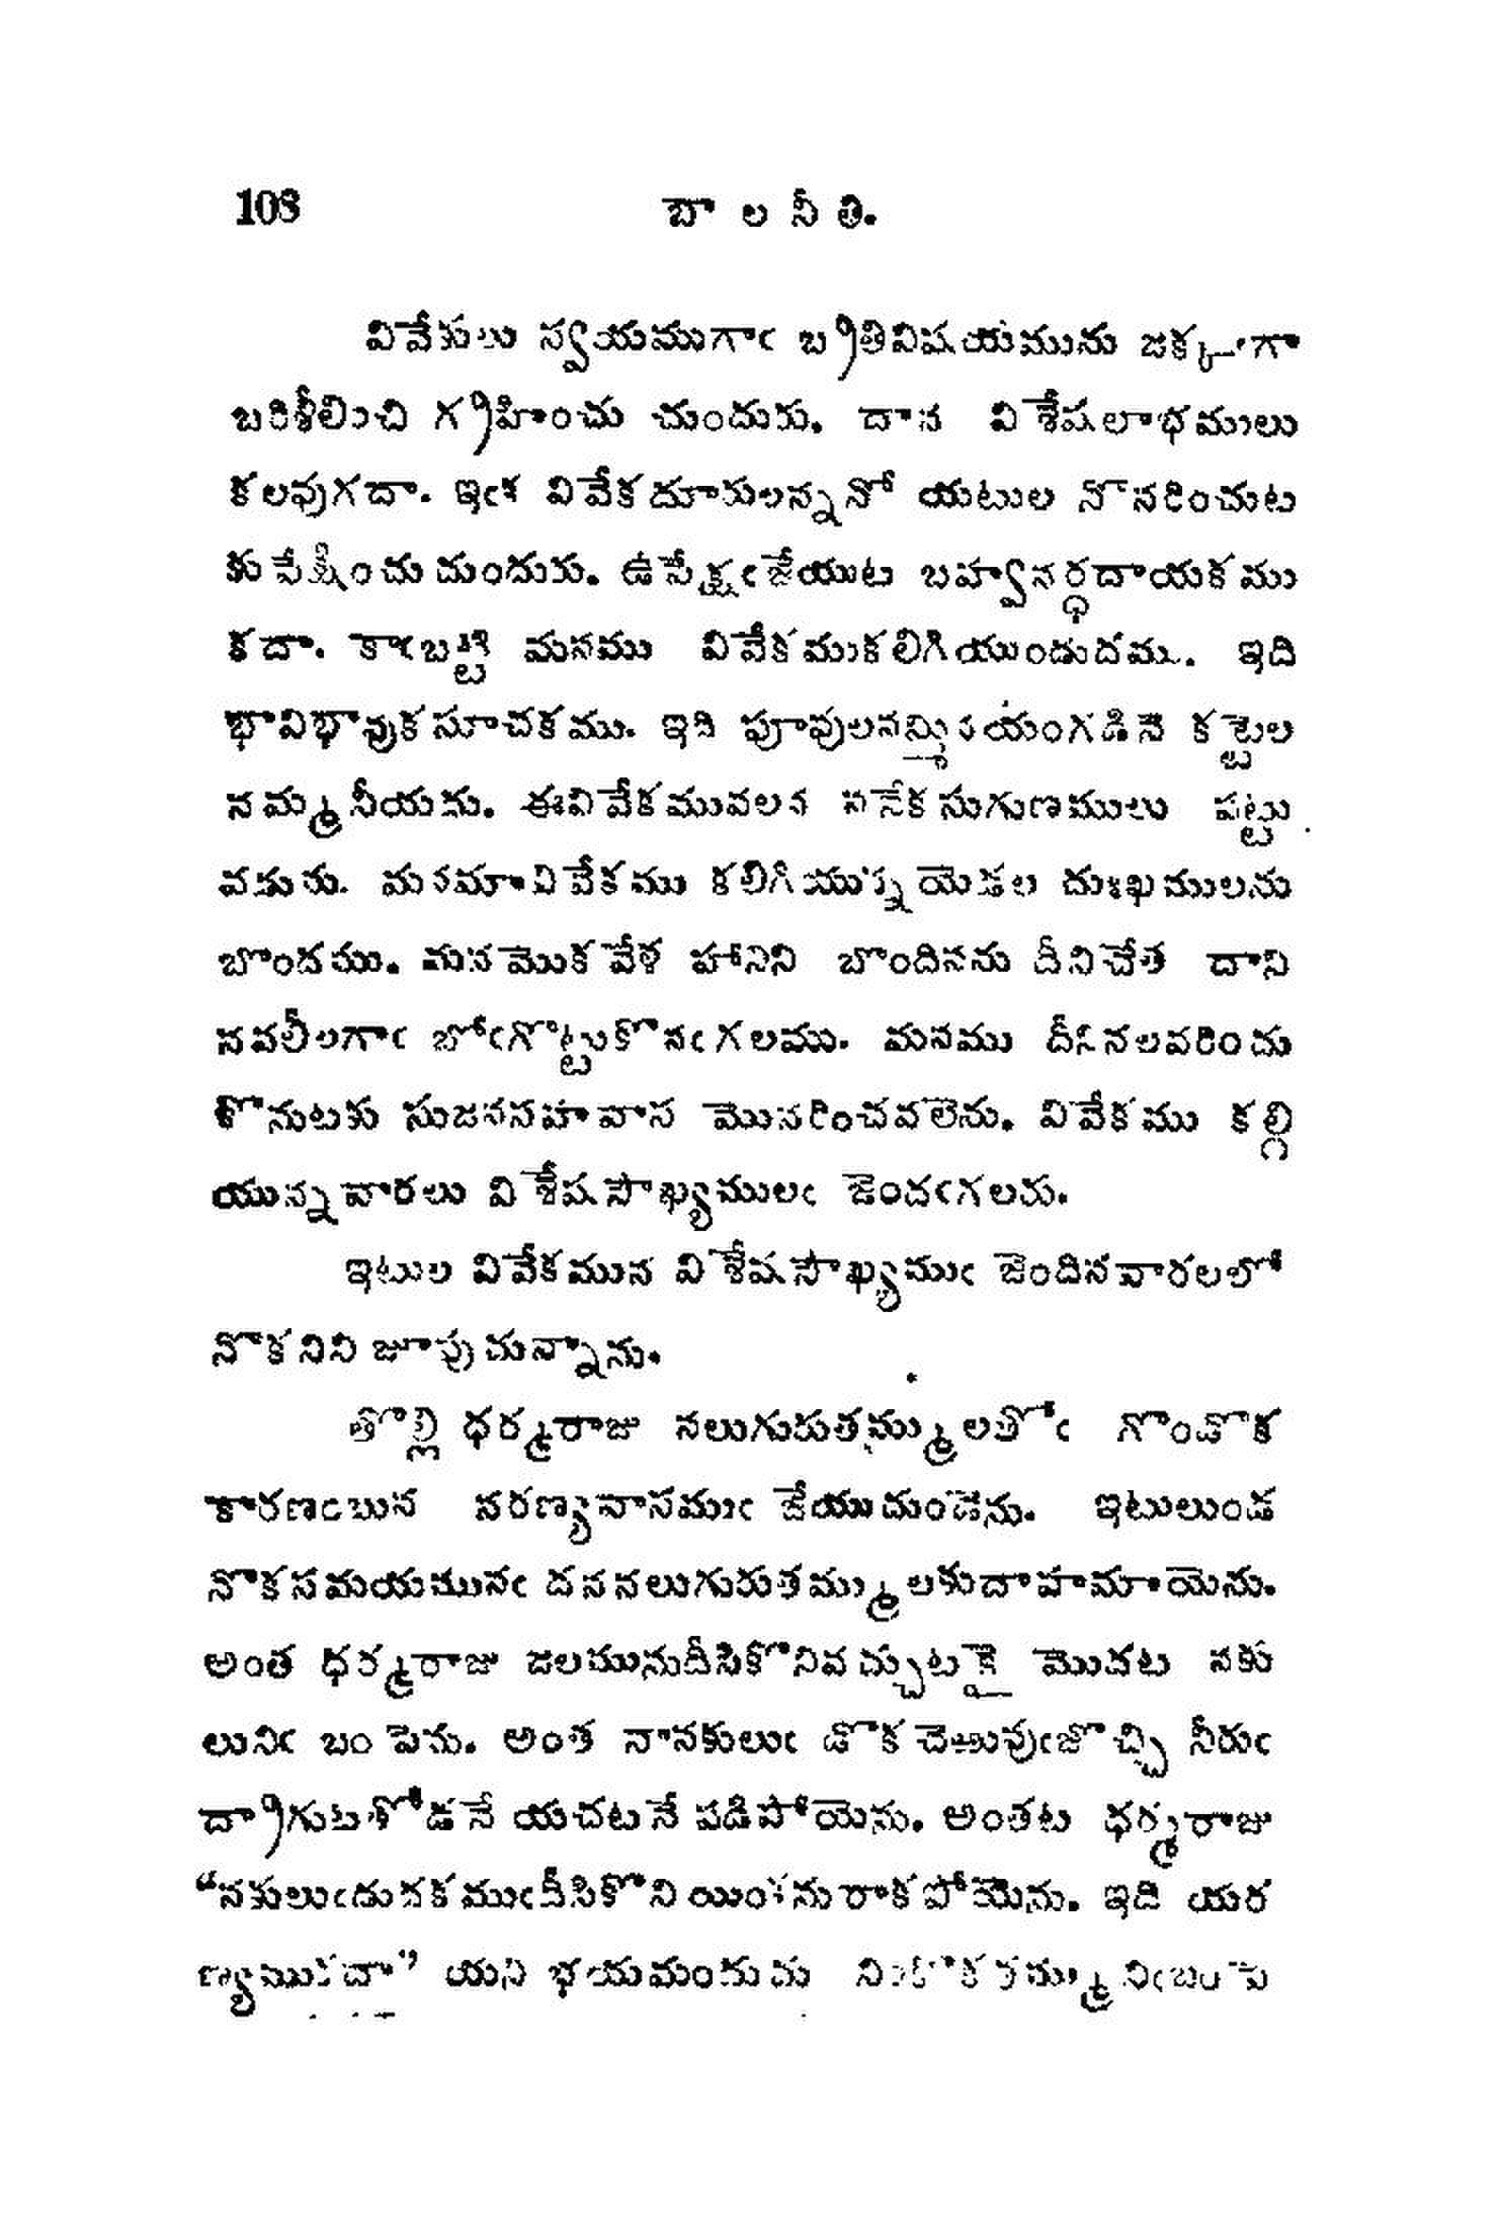వివేకులు స్వయముగాఁ బ్రతివిషయమును జక్కఁగా 
బరిశీలిచి గ్రహించు చుందురు. దాన విశేషలాభములు 
కలవుగదా. ఇఁక వివేకదూరులన్ననో యటుల నొనరించుట
కుపేక్షించుచుందురు. ఉపేక్షఁజేయుట బహ్వనర్ధదాయకము
కదా. కాఁబట్టి మనము వివేకముకలిగియుండుదము. ఇది 
భావిభావుకసూచకము. ఇది పూవులనమ్మినయంగడినె కట్టెల
నమ్మనీయదు. ఈవివేకమువలన ననేకసుగుణములు పట్టు
వడును. మనమావివేకము కలిగియున్నయెడల దుఃఖములను 
బొందము. మనమొకవేళ హానిని బొందినను దీనిచేత దాని
నవలీలగాఁ బోఁగొట్టుకొనఁగలము. మనము దీనినలవరించు
కొనుటకు సుజనసహవాస మొనరించవలెను. వివేకము కల్గి
యున్నవారలు విశేషసౌఖ్యములఁ జెందగలరు.

ఇటుల వివేకమున విశేషసౌఖ్యముఁ జెందినవారలలో 
నొకనిని జూపుచున్నాను.

తొల్లి ధర్మరాజు నలుగురుతమ్ములతోఁ గొండొక 
కారణంబున నరణ్యవాసముఁ జేయుచుండెను. ఇటులుండ 
నొకసమయమునఁ దననలుగురుతమ్ములకు దాహమాయెను. 
అంత ధర్మరాజు జలమునుదీసికొనివచ్చుటకై మొదట నకు
లునిఁ బంపెను. అంత నానకులుఁ డొకచెఱువుఁజొచ్చి నీరుఁ 
ద్రాగుటతోడనే యచటనే పడిపోయెను. అంతట ధర్మరాజు 
"నకులుఁడుదకముఁదీసికొని యింకనురాకపోయెను. ఇది యర
ణ్యముకదా" యని భయమందుచు నింకొకతమ్మునిఁబంపె